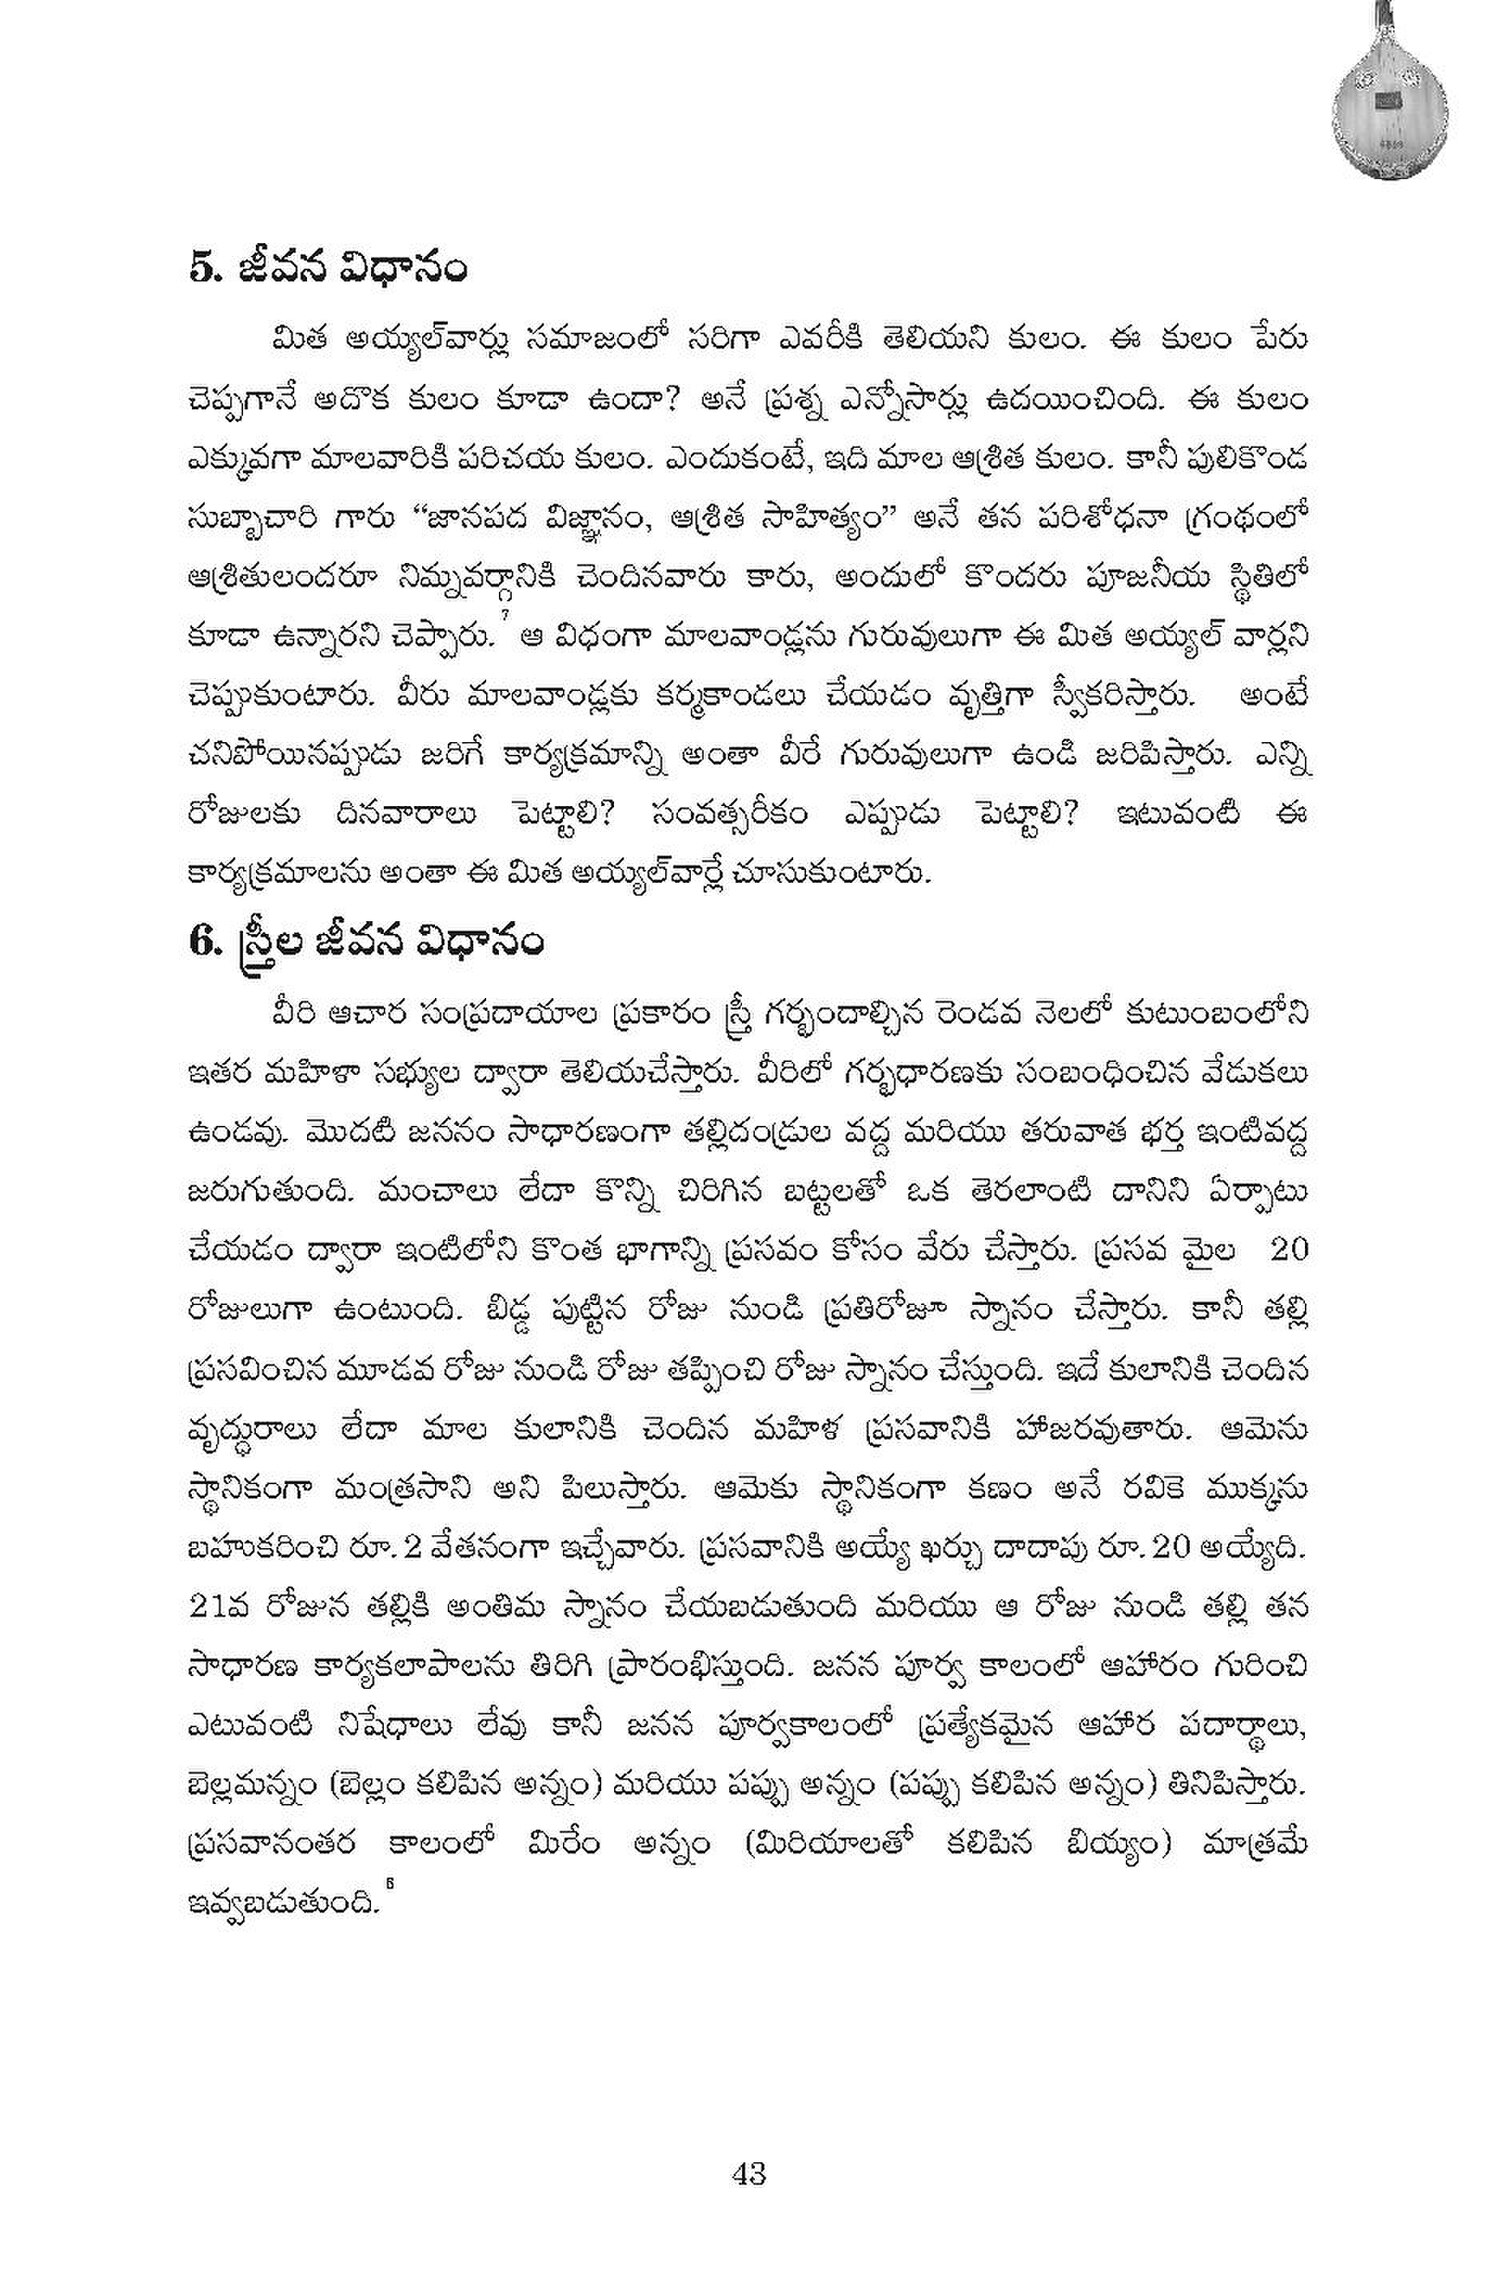5. జీవన విధానం 

మిత అయ్యల్వార్లు సమాజంలో సరిగా ఎవరికి తెలియని కులం. ఈ కులం పేరు చెప్పగానే అదొక కులం కూడా ఉందా? అనే ప్రశ్న ఎన్నోసార్లు ఉదయించింది. ఈ కులం ఎక్కువగా మాలవారికి పరిచయ కులం. ఎందుకంటే, ఇది మాల ఆశ్రిత కులం. కానీ పులికొండ సుబ్బాచారి గారు “జానపద విజ్ఞానం, ఆశ్రిత సాహిత్యం” అనే తన పరిశోధనా గ్రంథంలో ఆశ్రితు లందరూ నిమ్నవర్గానికి చెందినవారు కారు, అందులో కొందరు పూజనీయ స్థితిలో కూడా ఉన్నారని చెప్పారు 7ఆ విధంగా మాలవాండ్లను గురువులుగా ఈ మిత అయ్యల్ వార్లని చెప్పుకుంటారు. వీరు మాలవాండ్లకు కర్మకాండలు చేయడం వృత్తిగా స్వీకరిస్తారు. అంటే చనిపోయినప్పుడు జరిగే కార్యక్రమాన్ని అంతా వీరే గురువులుగా ఉండి జరిపిస్తారు. ఎన్ని రోజులకు దినవారాలు పెట్టాలి? సంవత్సరీకం ఎప్పుడు పెట్టాలి? ఇటువంటి ఈ కార్యక్రమాలను అంతా ఈ మిత అయ్యల్వార్లే చూసుకుంటారు.

6. స్త్రీల జీవన విధానం 

వీరి ఆచార సంప్రదాయాల ప్రకారం స్త్రీ గర్భందాల్చిన రెండవ నెలలో కుటుంబంలోని ఇతర మహిళా సభ్యుల ద్వారా తెలియచేస్తారు. వీరిలో గర్భధారణకు సంబంధించిన వేడుకలు ఉండవు. మొదటి జననం సాధారణంగా తల్లిదండ్రుల వద్ద మరియు తరువాత భర్త ఇంటివద్ద జరుగుతుంది. మంచాలు లేదా కొన్ని చిరిగిన బట్టలతో ఒక తెరలాంటి దానిని ఏర్పాటు
చేయడం ద్వారా ఇంటిలోని కొంత భాగాన్ని ప్రసవం కోసం వేరు చేస్తారు. ప్రసవ మైల 20 రోజులుగా ఉంటుంది. బిడ్డ పుట్టిన రోజు నుండి ప్రతిరోజూ స్నానం చేస్తారు. కానీ తల్లి ప్రసవించిన మూడవ రోజు నుండి రోజు తప్పించి రోజు స్నానం చేస్తుంది. ఇదే కులానికి చెందిన వృద్ధురాలు లేదా మాల కులానికి చెందిన మహిళ ప్రసవానికి హాజరవుతారు. ఆమెను
స్థానికంగా మంత్రసాని అని పిలుస్తారు. ఆమెకు స్థానికంగా కణం అనే రవికె ముక్కను బహుకరించి రూ. 2 వేతనంగా ఇచ్చేవారు. ప్రసవానికి అయ్యే ఖర్చు దాదాపు రూ.20 అయ్యేది. 21వ రోజున తల్లికి అంతిమ స్నానం చేయబడుతుంది మరియు ఆ రోజు నుండి తల్లి తన సాధారణ కార్యకలాపాలను తిరిగి ప్రారంభిస్తుంది. జనన పూర్వ కాలంలో ఆహారం గురించి ఎటువంటి నిషేధాలు లేవు కానీ జనన పూర్వకాలంలో ప్రత్యేకమైన ఆహార పదార్థాలు, బెల్లమన్నం (బెల్లం కలిపిన అన్నం) మరియు పప్పు అన్నం (పప్పు కలిపిన అన్నం) తినిపిస్తారు. ప్రసవానంతర కాలంలో మిరేం అన్నం (మిరియాలతో కలిపిన బియ్యం) మాత్రమే ఇవ్వబడుతుంది.8 '